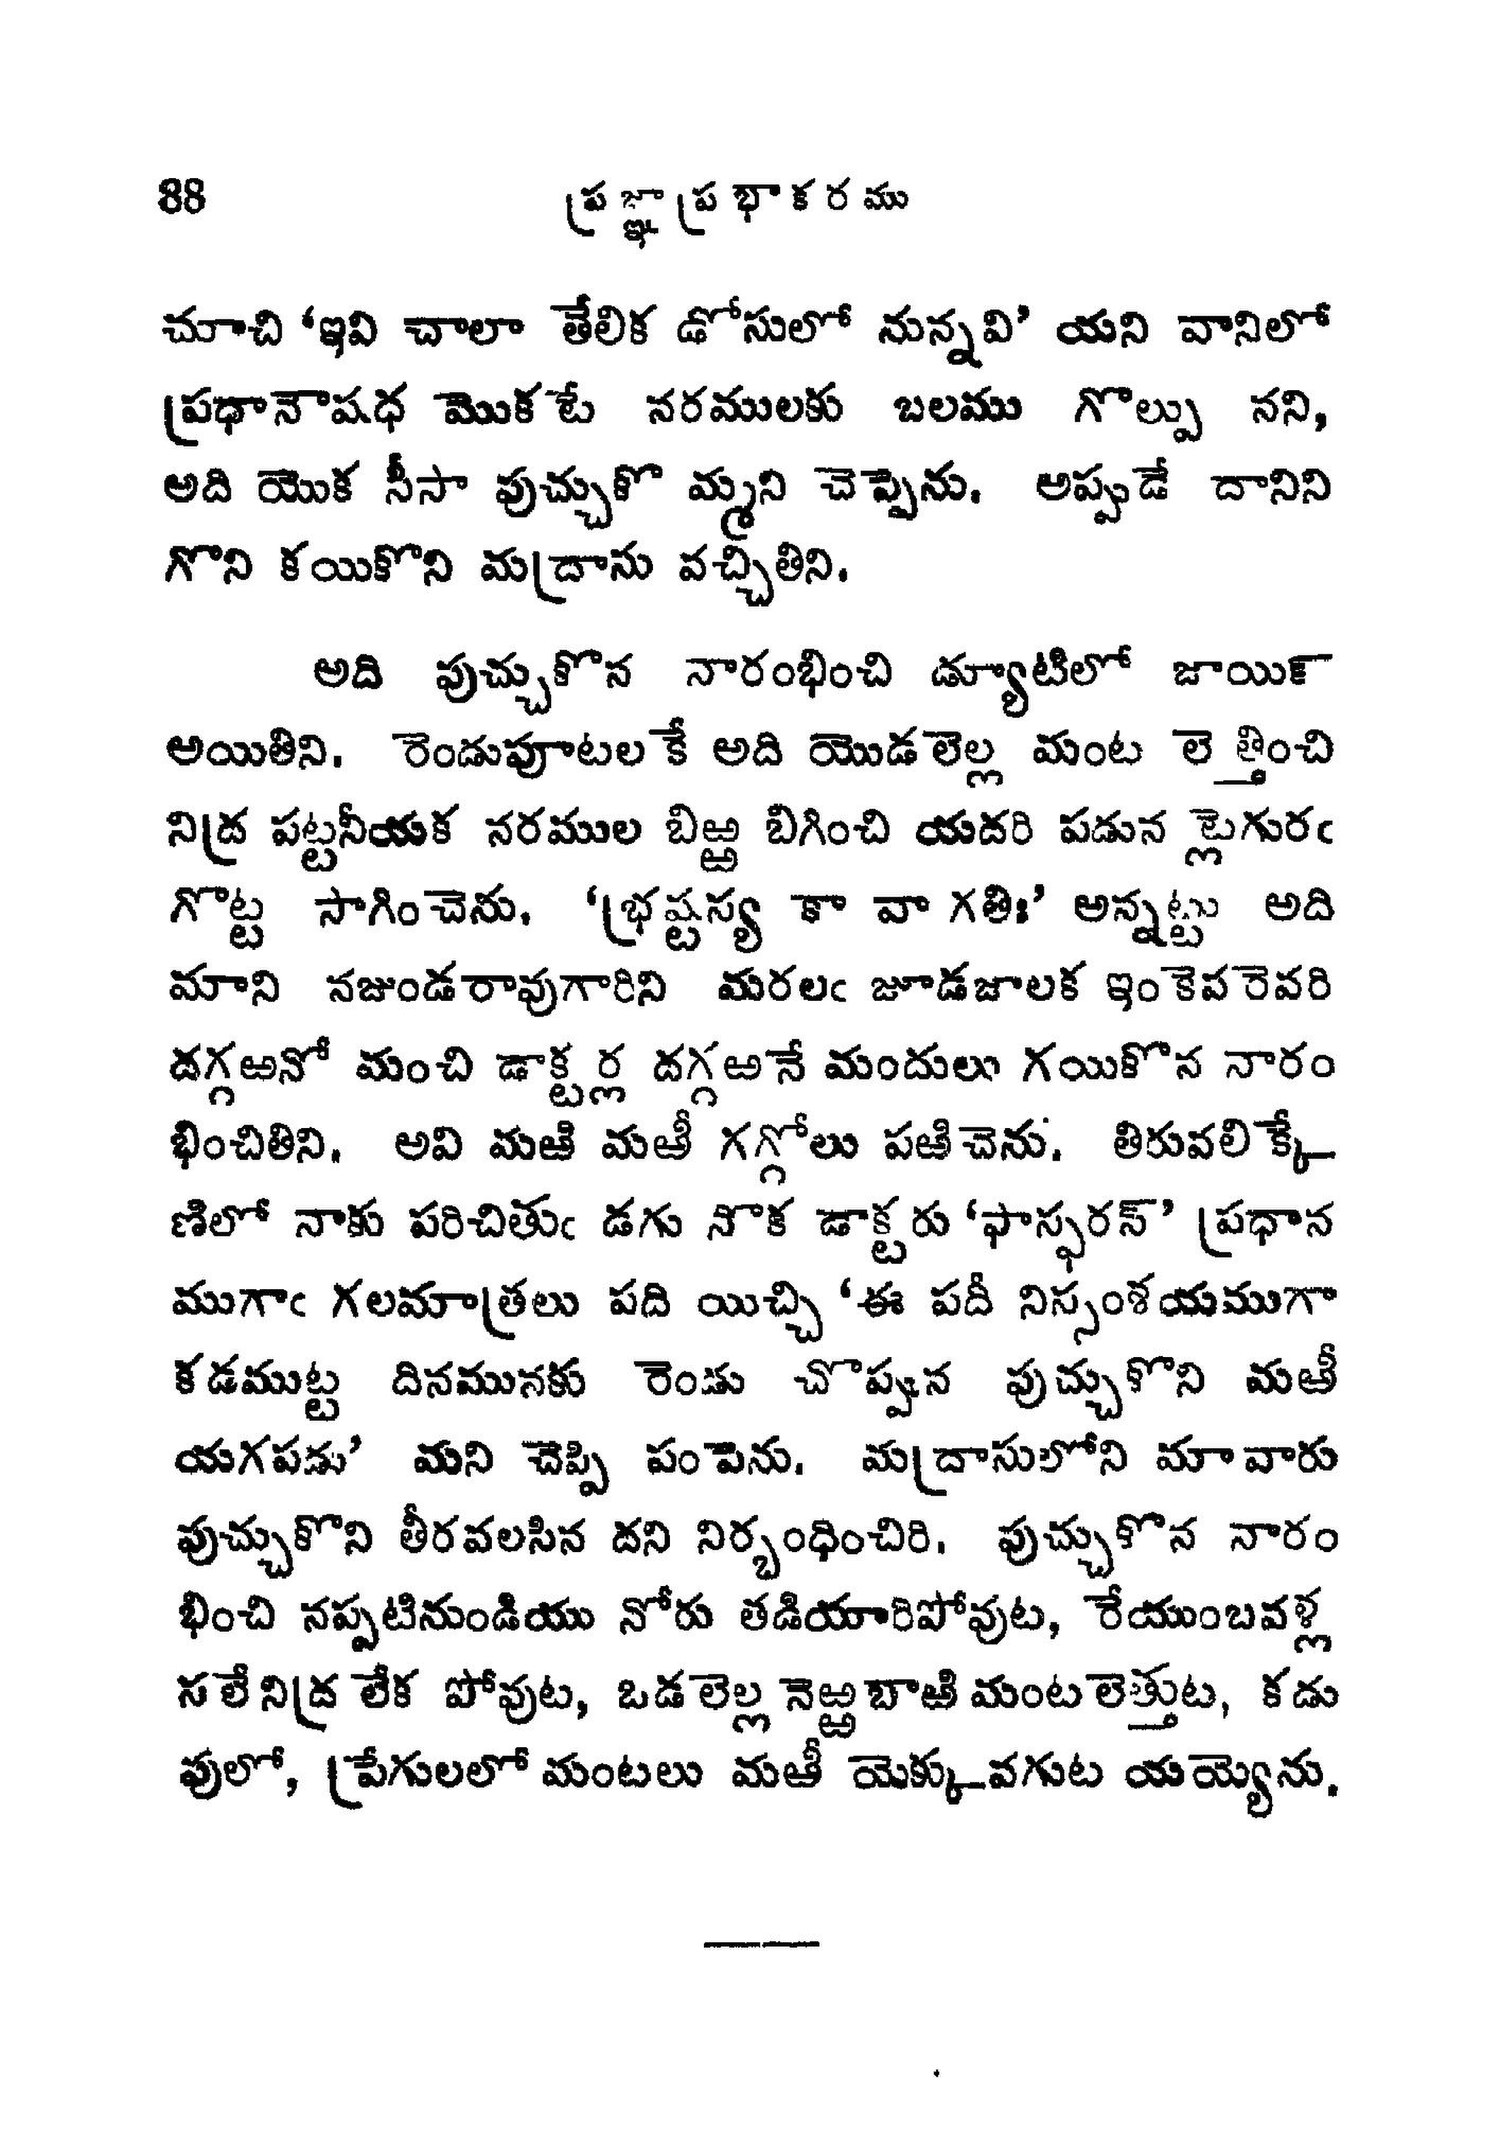చూచి 'ఇవి చాలా తేలిక డోసులో నున్నవి' యని వానిలో ప్రధానౌషద మొకటే నరములకు బలము గొల్పు నని, అది యొక సీసా పుచ్చు కొమ్మని చెప్పెను, అప్పడే దానిని గొని కయికొని మద్రాసు వచ్చితిని.

అది పుచ్చుకొన నారంభించి డ్యూటిలో జాయి అయితిని, రెండుపూటలాకే అది యొడలెల్ల మంట లెత్తించి నిద్ర పట్టనియక నరముల బిఱ్ఱ బిగించి యడరి పదున ట్లేగుర గొట్ట సాగించెను. 'భ్రష్టస్య కావాగతిః,అన్నట్టు అది మాని నంజుండ రావుగారిని మరల జూడజాలక ఇంకెవరేవారి దగ్గఱనో మంచి డాక్టర్ల దగ్గఱనెమందులు గయికోనం నారంభించితిని, అవి మఱి మఱి గగ్గోలు పఱచేను, తిరువాలి క్కేనిలో నాకు పరిచితుడగు నొక డాక్టరు 'ఫాస్పరస్' ప్రధానముగా గల మాత్రలు పది యిచ్చి 'ఈ పడి నిస్సంశయముగా కడముట్ట దినమునకు రెండు వొప్పన పుచ్చు కొని మఱి యగపడు ' మని చెప్పి పంపెను. మాద్రాసులోని మావారు పుచ్చుకొని తీరవలసిన దని నిర్భందించిరి, పుచ్చు కొన నారంభించి నప్పటినుండియు నోరు తాడియారిపోవుట ,రేయుంబవళ్ళసలే నిద్రలేకపోవుట, ఒడలెల్ల మంటలు మఱి యెక్కు వగుటయయ్యెను.